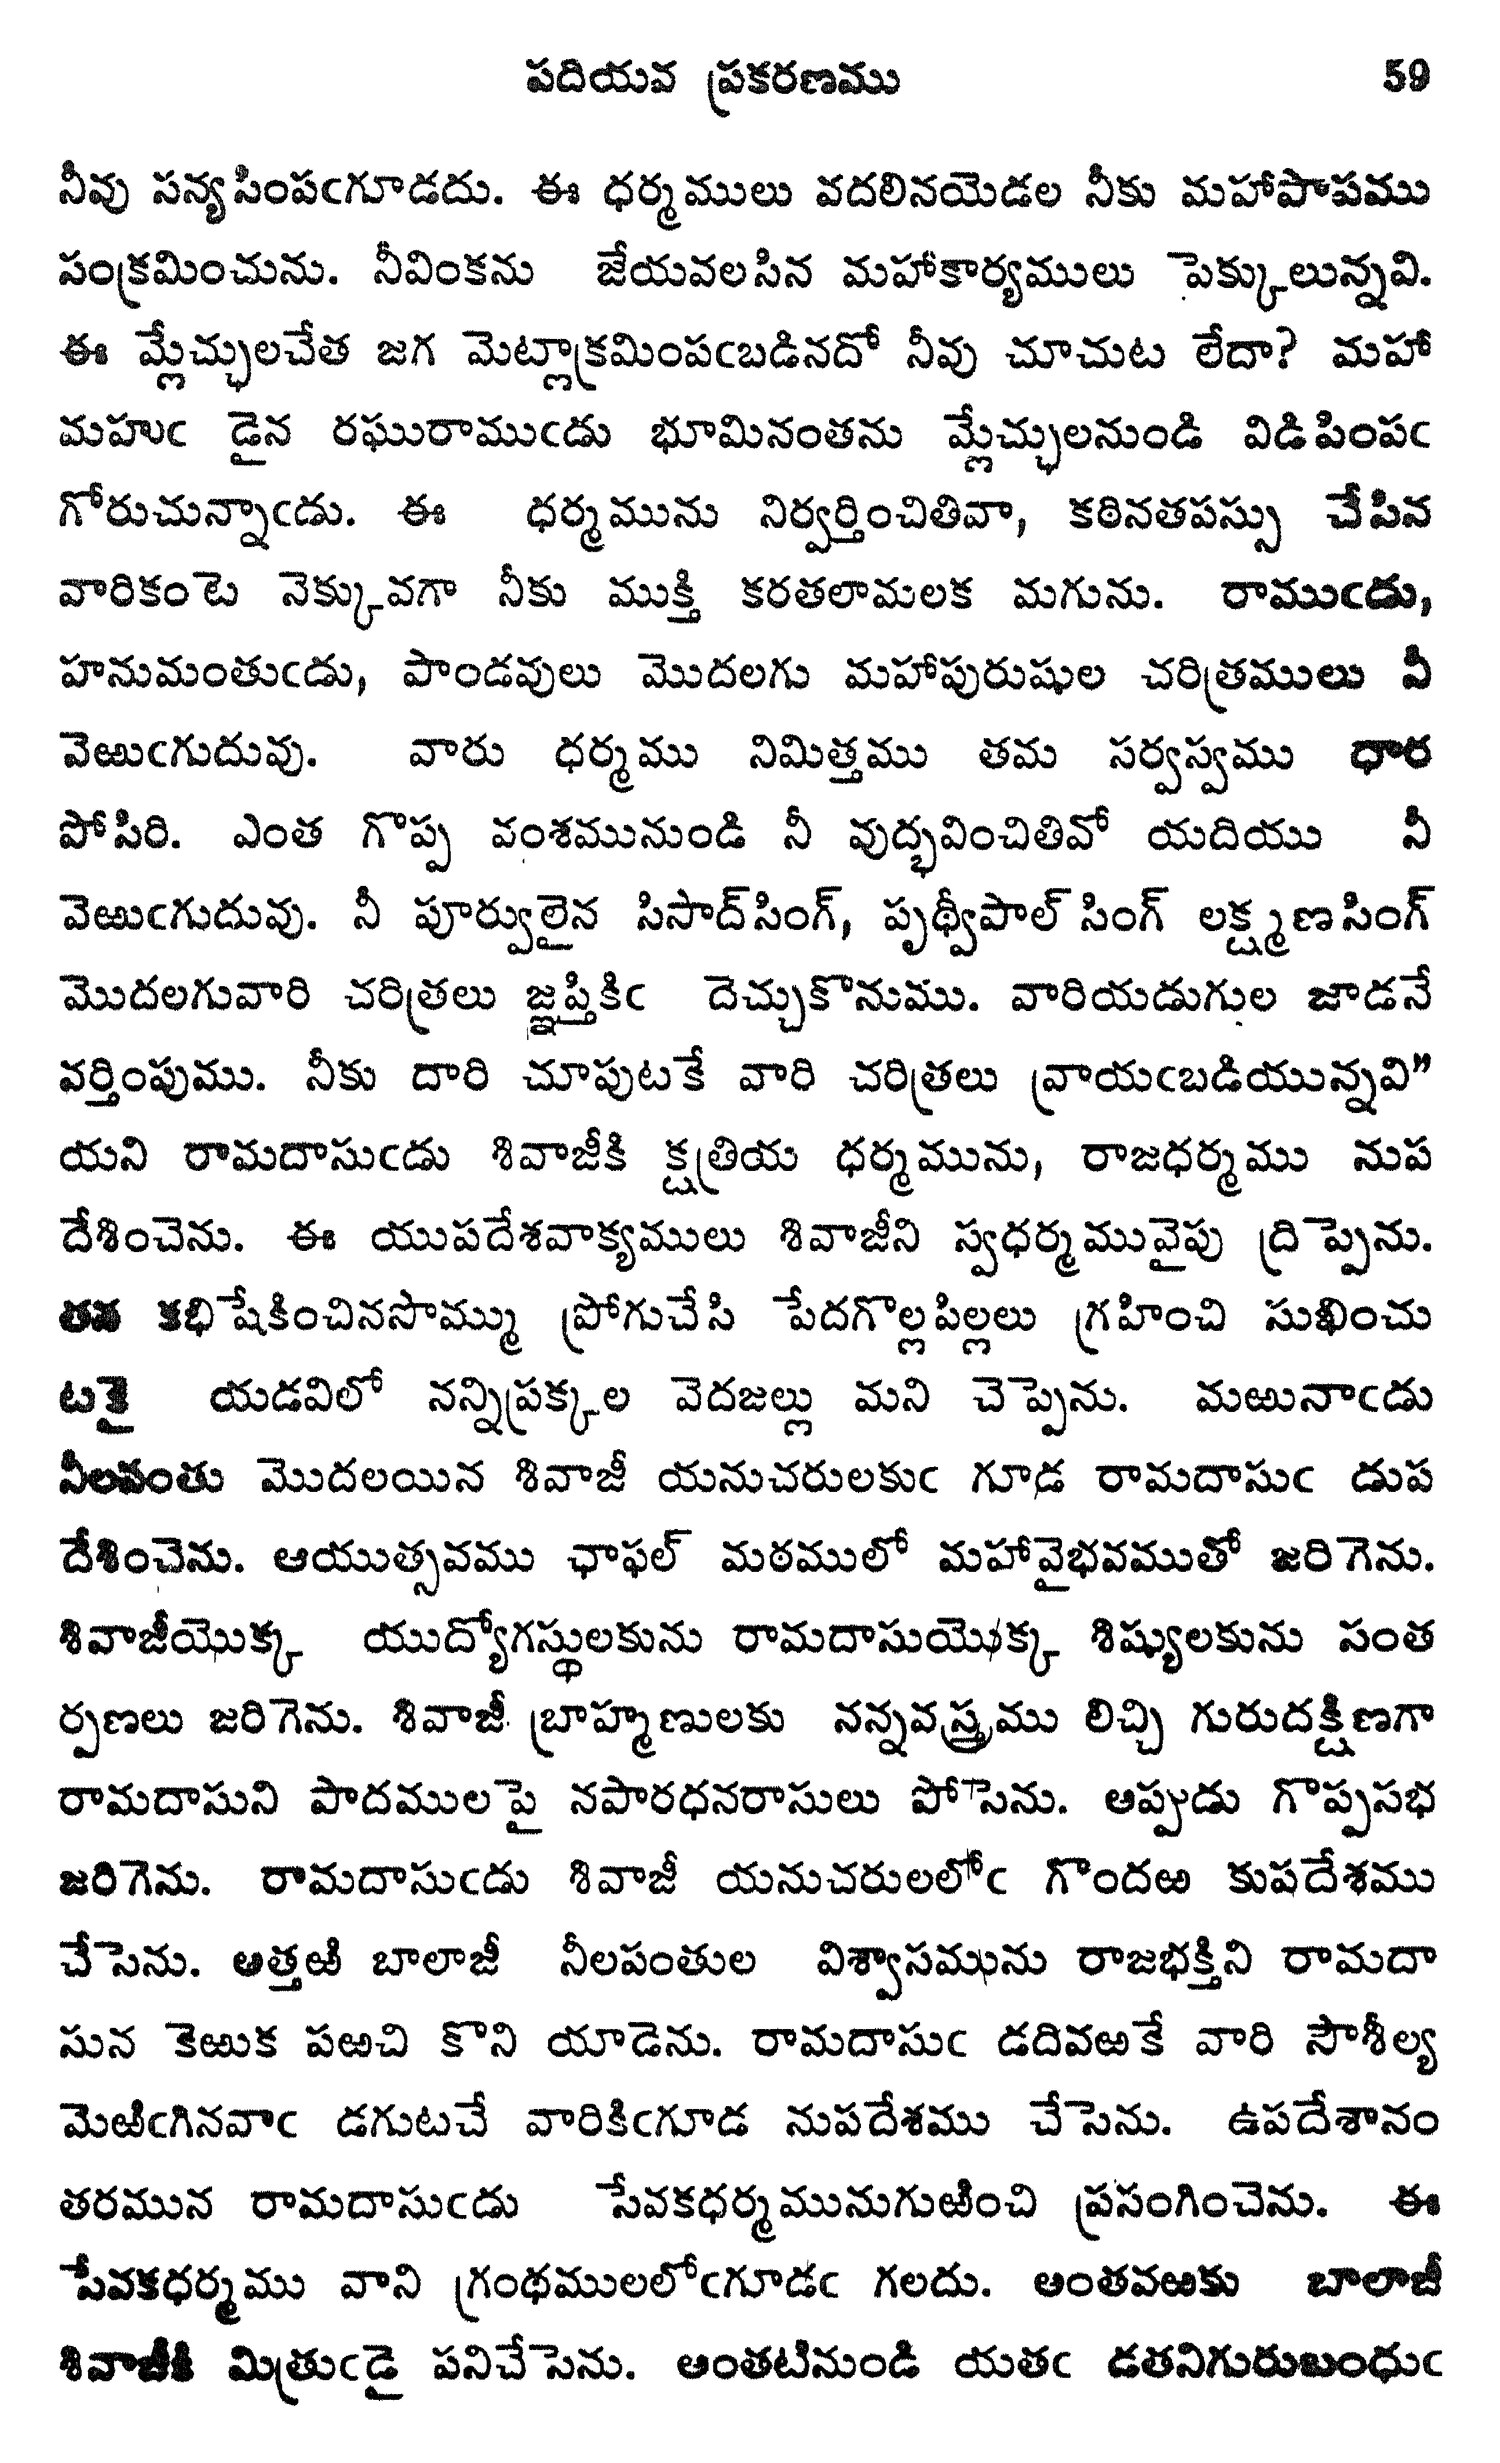నీవు సన్యసింపగూడదు. ఈ ధర్మములు వదలినయెడల నీకు మహాపాపము సంక్రమించును. నీవింకను జేయవలసిన మహాకార్యములు పెక్కులున్నవి. ఈ మ్లేచ్ఛులచేత జగ మెట్లాక్రమింపబడినదో నీవు చూచుట లేదా? మహామహు డైన రఘురాముడు భూమినంతను మ్లేచ్ఛులనుండి విడిపింప గోరుచున్నాడు. ఈ ధర్మమును నిర్వర్తించితివా, కఠినతపస్సు చేసిన వారికంటె నెక్కువగా నీకు ముక్తి కరతలామలక మగును. రాముడు, హనుమంతుడు, పాండవులు మొదలగు మహాపురుషులు చరిత్రములు నీ వెఱుగుదువు. వారు ధర్మము నిమిత్తము తమ సర్వస్వము ధారపోసిరి. ఎంత గొప్ప వంశమునుండి నీ వుద్భవించితివో యదియు నీ వెఱుగుదువు. నీ పూర్వులైన సిసాద్‌సింగ్, పృథ్వీపాల్‌సింగ్, లక్ష్మణసింగ్ మొదలగువారి చరిత్రలు జ్ఞప్తికి దెచ్చుకొనుము. వారి యడుగుల జాడనే వర్తింపుము. నీకు దారి చూపుటకే వారి చరిత్రలు వ్రాయబడియున్నవి" యని రామదాసుడు శివాజీకి క్షత్రియ ధర్మమును, రాజధర్మము నుపదేశించెను. ఈ యుపదేశవాక్యములు శివాజీని స్వధర్మమువైపు ద్రిప్పెను. తన కభిషేకించినసొమ్ము ప్రోగుచేసి పేదగొల్లపిల్లలు గ్రహించి సుఖించుటకై యడవిలో నన్నిప్రక్కల వెదజల్లు మని చెప్పెను. మఱునాడు నీలవంతు మొదలయిన శివాజీ యనుచరులకు గూడ రామదాసు డుపదేశించెను. ఆయుత్సవము ఛాఫల్ మఠములో మహావైభవముతో జరిగెను. శివాజీయొక్క యుద్యోగస్థులకును రామదాసుయొక్క శిష్యులకును సంతర్పణలు జరిగెను. శివాజీ బ్రాహ్మణులకు నన్నవస్త్రము లిచ్చి గురుదక్షిణగా రామదాసుని పాదములపై నపారధనరాసులు పోసెను. అప్పుడు గొప్పసభ జరిగెను. రామదాసుడు శివాజీ యనుచరులలో గొందఱ కుపదేశము చేసెను. అత్తఱి బాలాజీ నీలవంతుల విశ్వాసమును రాజభక్తిని రామదాసున కెఱుక పఱచి కొని యాడెను. రామదాసు డదివఱకే వారి సౌశీల్యమెఱిగినవా డగుటచే వారికిగూడ నుపదేశము చేసెను. ఉపదేశానంతరమున రామదాసుడు సేవకధర్మమునుగుఱించి ప్రసంగించెను. ఈ సేవకధర్మము వాని గ్రంథములలో గూడ గలదు. అంతవఱకు బాలాజీ శివాజీకి మిత్రుడై పనిచేసెను. అంతటినుండి యత డతనిగురుబంధు